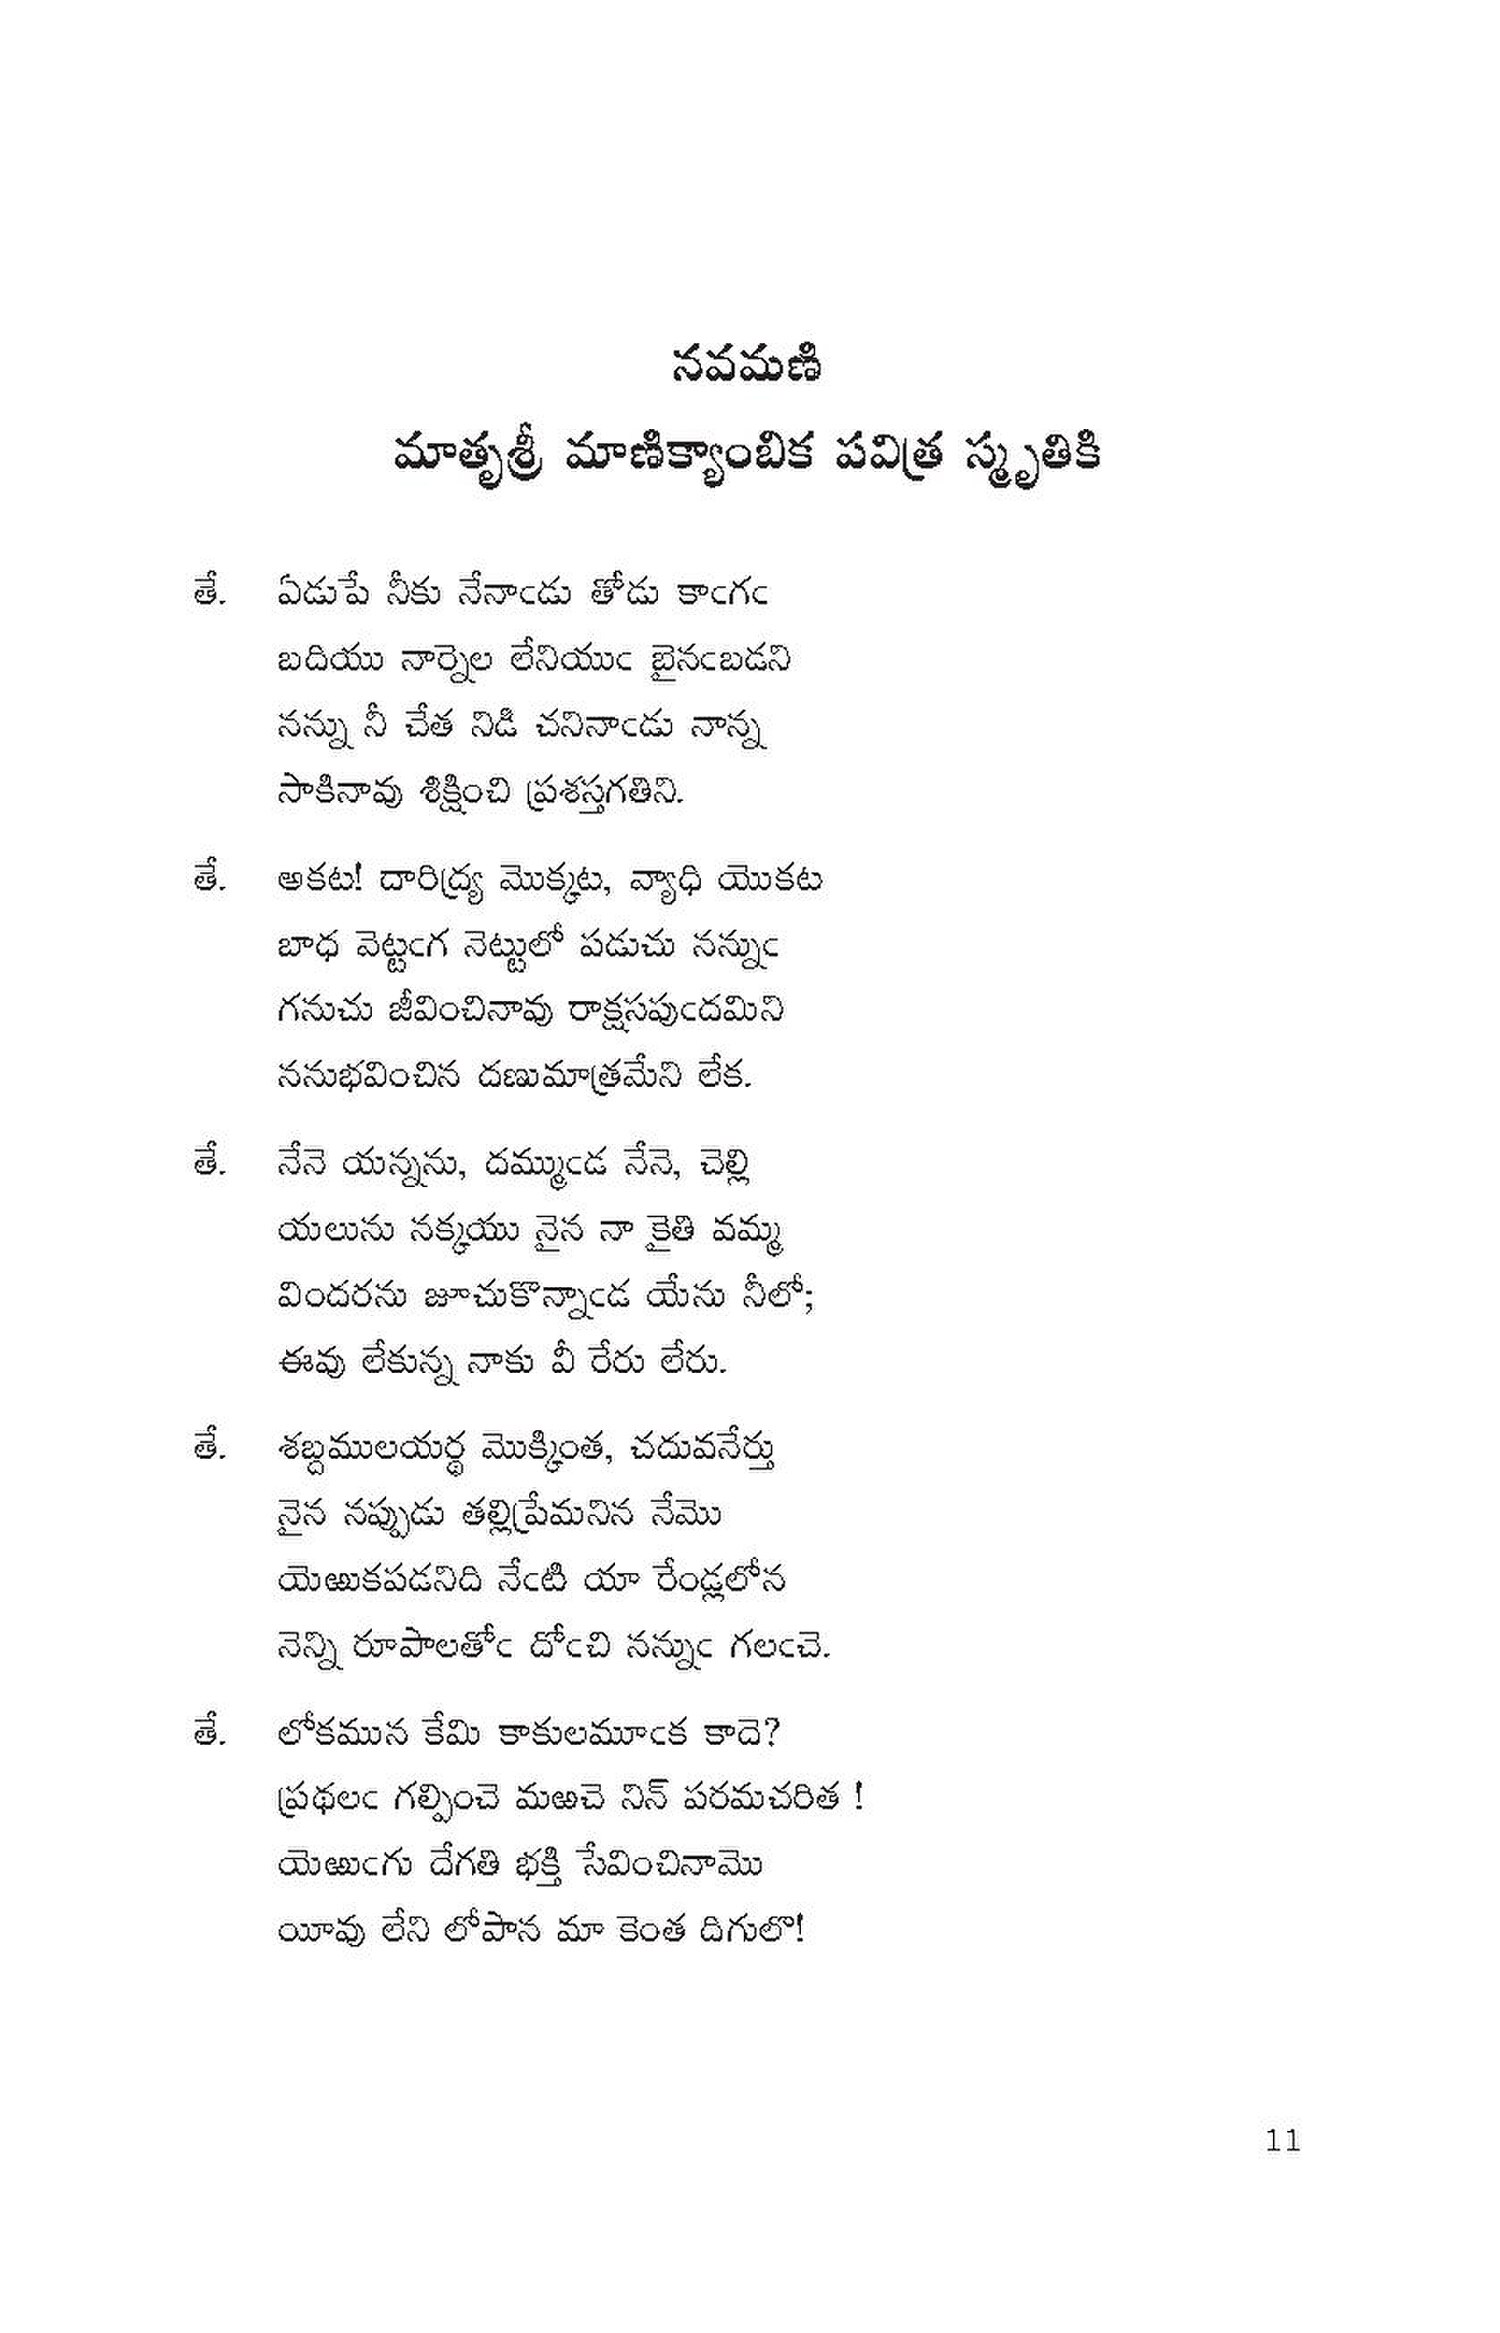తే. ఏడుపే నీకు నేనాఁడు తోడు కాఁగఁ
 బదియు నార్నెల లేనియుఁ బైనఁబడని
 నన్ను నీ చేత నిడి చనినాఁడు నాన్న
 సాకినావు శిక్షించి ప్రశస్తగతిని.

తే. అకట! దారిద్య్ర మొక్కట, వ్యాధి యొకట
 బాధ వెట్టఁగ నెట్టులో పడుచు నన్నుఁ
 గనుచు జీవించినావు రాక్షసపుఁదమిని
 ననుభవించిన దణుమాత్రమేని లేక.

తే. నేనె యన్నను, దమ్ముఁడ నేనె, చెల్లి
 యలును నక్కయు నైన నా కైతి వమ్మ
 విందరను జూచుకొన్నాఁడ యేను నీలో;
 ఈవు లేకున్న నాకు వీ రేరు లేరు.

తే.శబ్దములయర్థ మొక్కింత, చదువనేర్తు
 నైన నప్పుడు తల్లిప్రేమనిన నేమొ
 యెఱుకపడనిది నేఁటి యా రేండ్లలోన
 నెన్ని రూపాలతోఁ దోఁచి నన్నుఁ గలఁచె.

తే.లోకమున కేమి కాకులమూఁక కాదె?
 ప్రథలఁ గల్పించే మఱచె నిన్ పరమచరిత !
 యెఱుఁగు దేగతి భక్తి సేవించినామొ
 యీవు లేని లోపాన మా కెంత దిగులొ!